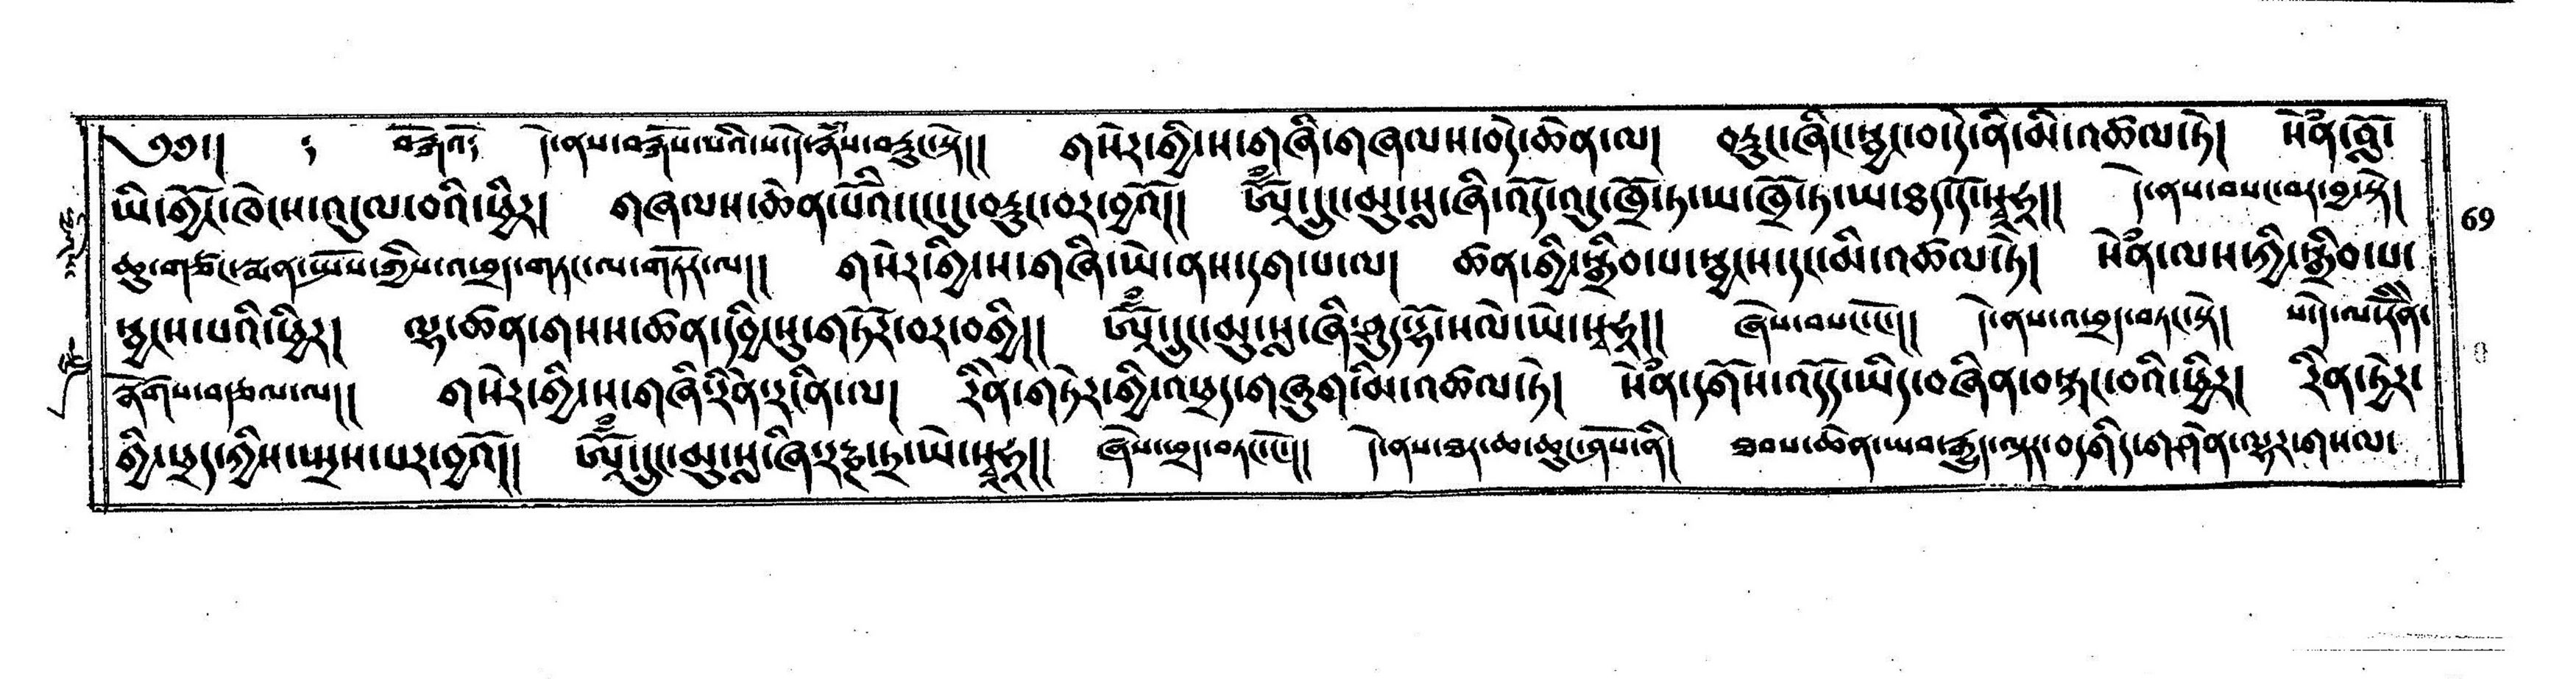བརྐོའོ། དེ་ནས་བརྐོས་པའི་ས་དེ་རྣམས་བརྡུང་སྟེ།། གསེར་གྱི་ས་གཞི་གཞལ་ཡས་བདེ་ཆེན་ལ། བརྡུང་ཞིང་སྦྱང་བ་དེ་ནི་མི་འཚལ་ཏེ། སེམས་ཅན་བློ་
ཡི་གྱོང་ཁེངས་འདུལ་བའི་ཕྱིར། གཞལ་ཡས་ཆེན་པོའི་ངང་དུ་བརྡུང་བར་བྱའོ།། ཨཱོཾ་དྲུང་མུ་སླ་ཞི་འོད་འདུ་ཁྲོ་ཏ་ཡ་ཁྲོ་ཏ་ཡ་ཐད་དོ་སྭཱཧཱ།། དེ་ནས་བསང་བར་བྱ་སྟེ། 
ཆུ་གཙང་སྨན་སྤོས་ཀྱིས་འཕྲད་གཏང་ལ་གཏོར་ལ།། གསེར་གྱི་ས་གཞི་ཡེ་ནས་དག་པ་ལ། ཚན་གྱི་སྒྲིབ་པ་སྦྱངས་དང་མི་འཚལ་ཏེ། སེམས་ཅན་ལས་ཀྱི་སྒྲིབ་པ་
སྦྱངས་པའི་ཕྱིར། ལྷ་ཚན་གསས་ཚན་དབྱིངས་སུ་གཏོར་བར་བགྱི།། ཨཱོཾ་དྲུང་མུ་སླ་ཞི་ཤུད་དྷོ་སལེ་ཡེ་སྭཱཧཱ།། ཞེས་བསང་ངོ་།། དེ་ནས་འཕྲད་བཏང་སྟེ། ས་དེ་ལ་རིན་པོ་ཆེ་
སྣ་ཚོགས་བརྩལ་ལ།། གསེར་གྱི་ས་གཞི་རིན་ཆེན་རང་བཞིན་ལ། རིན་ཆེན་གཏེར་གྱི་འཕྲད་གཞུག་མི་འཚལ་ཏེ། སེམས་ཅན་དགོས་འདོད་ཡིད་བཞིན་བསྐང་བའི་ཕྱིར། རིན་ཆེན་གཏེར་
གྱི་ཕྲད་ཀྱིས་སྤྲས་པར་བྱའོ།། ཨཱོཾ་དྲུང་མུ་སླ་ཞི་རཏྞ་ཏྲ་ཡེ་སྭཱཧཱ།། ཞེས་ཕྲད་བཏང་ངོ་།། དེ་ནས་ཐར་ཆ་ཆུང་ཤོས་ནི། ཐབས་ཆེན་ཡབ་རྒྱུད་ལྟར་བདག་ཉིད་གཤེན་ལྷར་གསལ་